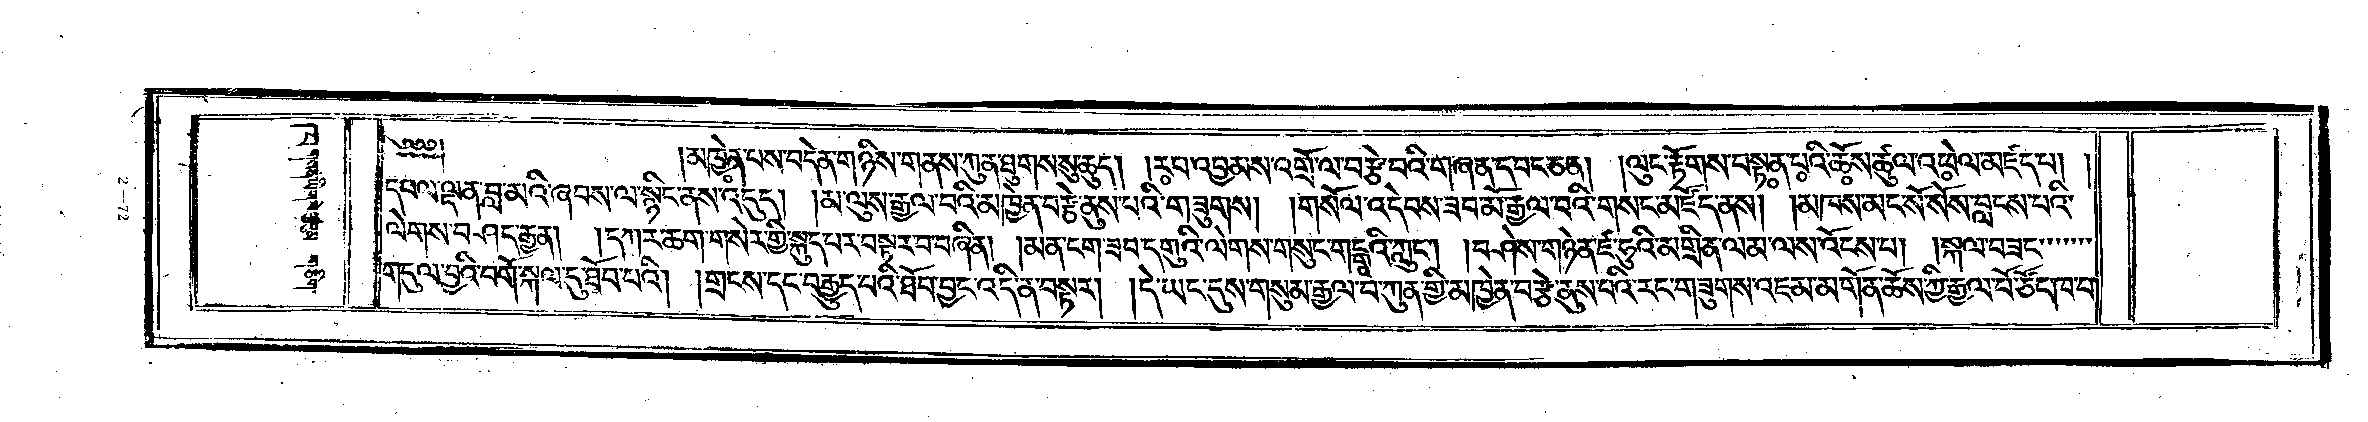མཁྱེན་པས་བདེན་གཉིས་གནས་ཀུན་ཐུགས་སུ་ཆུད། །རབ྾་འབྱམས་འགྲོ་ལ་བརྩེ་བའི་གཞན་དབང་ཅན། །ལུང་རྟོགས་བསྟན྾་པའི྾་ཆོས྾་ཚུལ་འཕེལ྾་མཛད་པ། །
དཔལ་ལྡན་བླ་མའི་ཞབས་ལ་སྙིང་ནས་འདུད། །མ་ལུས་རྒྱལ་བའི་མཁྱེན་བརྩེ་ནུས་པའི་གཟུགས། །གསོལ་འདེབས་ཟབ་མོ་རྒྱལ་བའི་གསང་མཛོད་ནས། །མཁས་མང་སོ་སོས་བླངས་པའི་
ལེགས་བཤད་རྒྱན། །དཀར་ཆག་གསེར་གྱི་སྐུད་པར་བསྟར་བ་བཞིན། །མན་ངག་ཟབ་དགུའི་ལེགས་གསུང་གངྒཱའི་ཀླུང་། །བཤེས་གཉེན་ཛ་ཧུའི་མགྲིན་ལམ་ལས་འོངས་པ། །སྐལ་བཟང་
གདུལ་བྱའི་བགོ་སྐལ་དུ་ཐོབ་པའི། །གྲངས་དང་བརྒྱུད་པའི་ཐོབ་བྱང་འདི་ན་བསྟར། །དེ་ཡང་དུས་གསུམ་རྒྱལ་བ་ཀུན་གྱི་མཁྱེན་བརྩེ་ནུས་པའི་རང་གཟུགས་འཇམ་མགོན་ཆོས་ཀྱི་རྒྱལ་པོ་ཙོང་ཁ་པ་